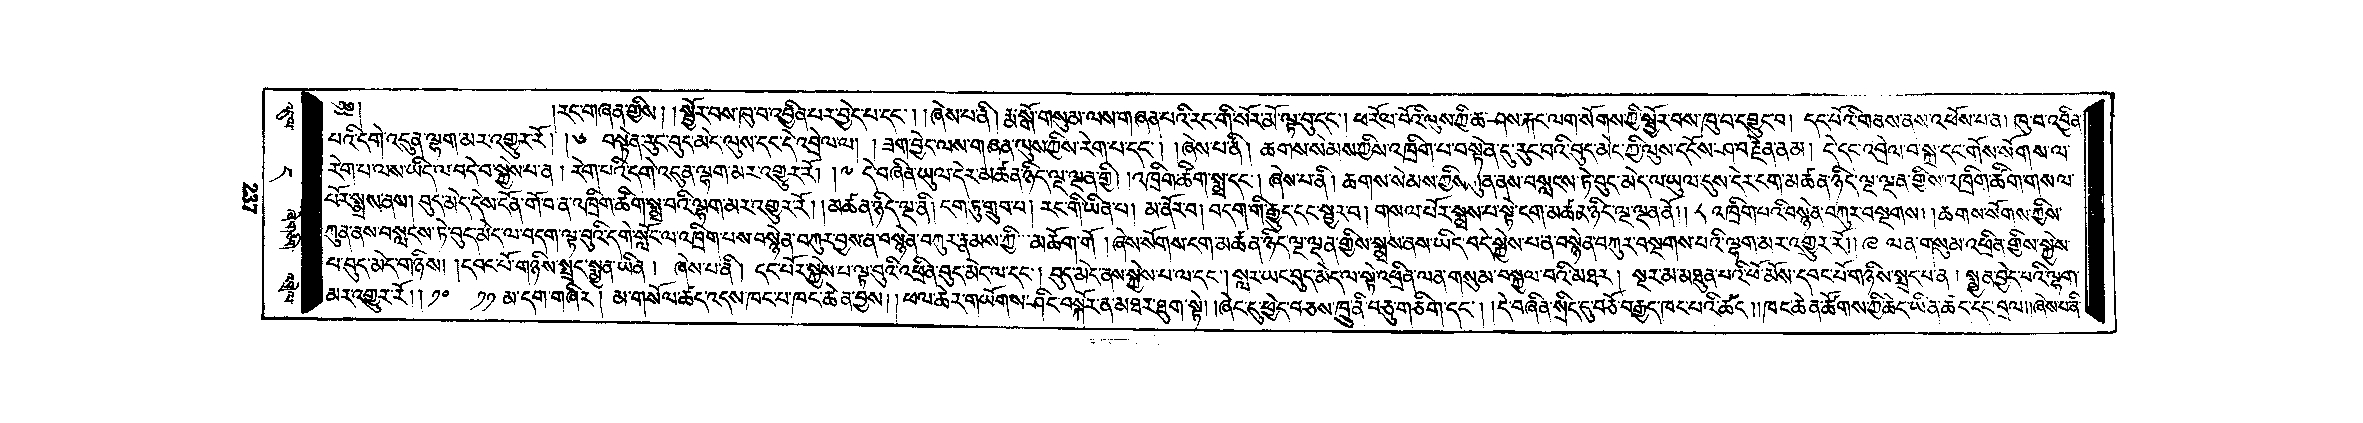༄༅། །རང་གཞན་གྱིས། །སྦྱོར་བས་ཁུ་བ་འབྱིན་པར་བྱེད་པ་དང་། །ཞེས་པ་ནི། རྨ་སྒོ་གསུམ་ལས་གཞན་པའི་རང་གི་སོར་མོ་ལྟ་བུ་དང་། ཕ་རོལ་པོའི་ལུས་ཀྱི་ཆ་ཤས་རྐང་ལག་སོགས་ཀྱི་སྦྱོར་བས་ཁུ་བ་དབྱུང་བ། དང་པོའི་གནས་ནས་འཕོས་པ་ན། ཁུ་བ་འབྱིན་
པའི་དགེ་འདུན་ལྷག་མར་འགྱུར་རོ། །བསྟེན་རུང་བུད་མེད་ལུས་དང་དེ་འབྲེལ་ལ། །ཟག་བྱེད་ལས་གཞན་ལུས་ཀྱིས་རེག་པ་དང་། །ཞེས་པ་ནི། ཆགས་སེམས་ཀྱིས་འཁྲིག་པ་བསྟེན་དུ་རུང་བའི་བུད་མེད་ཀྱི་ལུས་དངོས་ཤ་བརྗེན་ནམ། དེ་དང་འབྲེལ་བ་སྐྲ་དང་གོས་སོགས་ལ་
རེག་པ་ལས་ཡིད་ལ་བདེ་བ་སྐྱེས་པ་ན། རེག་པའི་དགེ་འདུན་ལྷག་མར་འགྱུར་རོ། །དེ་བཞིན་ཡུལ་དེར་མཚན་ཉིད་ལྔ་ལྡན་གྱི། །འཁྲིག་ཚིག་སྨྲ་དང་། ཞེས་པ་ནི། ཆགས་སེམས་ཀྱིས་ཀུན་ནས་བསླངས་ཏེ་བུད་མེད་ལ་ཡུལ་དུས་དེར་ངག་མཚན་ཉིད་ལྔ་ལྡན་གྱིས་འཁྲིག་ཚིག་གསལ་
པོར་སྨྲས་ནས། བུད་མེད་དེས་དོན་གོ་བ་ན་འཁྲིག་ཚིག་སྨྲ་བའི་ལྷག་མར་འགྱུར་རོ། །མཚན་ཉིད་ལྔ་ནི། ངག་ཏུ་གྲུབ་པ། རང་གི་ཡིན་པ། མ་ནོར་བ། བདག་གི་རྒྱུད་དང་སྦྱར་བ། གསལ་པོར་སྨྲས་པ་སྟེ་ངག་མཚན་ཉིད་ལྔ་ལྡན་ནོ། །འཁྲིག་པའི་བསྙེན་བཀུར་བསྔགས། །ཆགས་སོགས་ཀྱིས་
ཀུན་ནས་བསླངས་ཏེ་བུད་མེད་ལ་བདག་ལྟ་བུའི་དགེ་སློང་ལ་འཁྲིག་པས་བསྙེན་བཀུར་བྱས་ན་བསྙེན་བཀུར་རྣམས་ཀྱི་མཆོག་གོ །ཞེས་སོགས་ངག་མཚན་ཉིད་ལྔ་ལྡན་གྱིས་སྨྲས་ནས་ཡིད་བདེ་སྐྱེས་པ་ན་བསྙེན་བཀུར་བསྔགས་པའི་ལྷག་མར་འགྱུར་རོ། །ལན་གསུམ་འཕྲིན་གྱིས་སྐྱེས་
པ་བུད་མེད་གཉིས། །དབང་པོ་གཉིས་སྤྲད་སྨྱན་ཡིན། ཞེས་པ་ནི། དང་པོར་སྐྱེས་པ་ལྟ་བུའི་འཕྲིན་བུད་མེད་ལ་དང་། བུད་མེད་ནས་སྐྱེས་པ་ལ་དང་། སླར་ཡང་བུད་མེད་ལ་སྟེ་འཕྲིན་ལན་གསུམ་བསྐྱལ་བའི་མཐར། སྔར་མ་མཐུན་པའི་ཕོ་མོས་དབང་པོ་གཉིས་སྤྲད་པ་ན། སྨྱན་བྱེད་པའི་ལྷག་
མར་འགྱུར་རོ། །མ་དག་གཞིར། མ་གསོལ་ཚད་འདས་ཁང་པ་ཁང་ཆེན་བྱས། །ཕལ་ཆེར་གཡོགས་ཤིང་བསྐོར་ན་མཐར་ཐུག་སྟེ། །ཞེང་དུ་ཕྱེད་བཅས་ཁྲུ་ནི་བཅུ་གཅིག་དང་། །དེ་བཞིན་སྲིད་དུ་བཅོ་བརྒྱད་ཁང་པའི་ཚད། །ཁང་ཆེན་ཚོགས་ཀྱི་ཆེད་ཡིན་ཚད་དང་བྲལ། །ཞེས་པ་ནི་